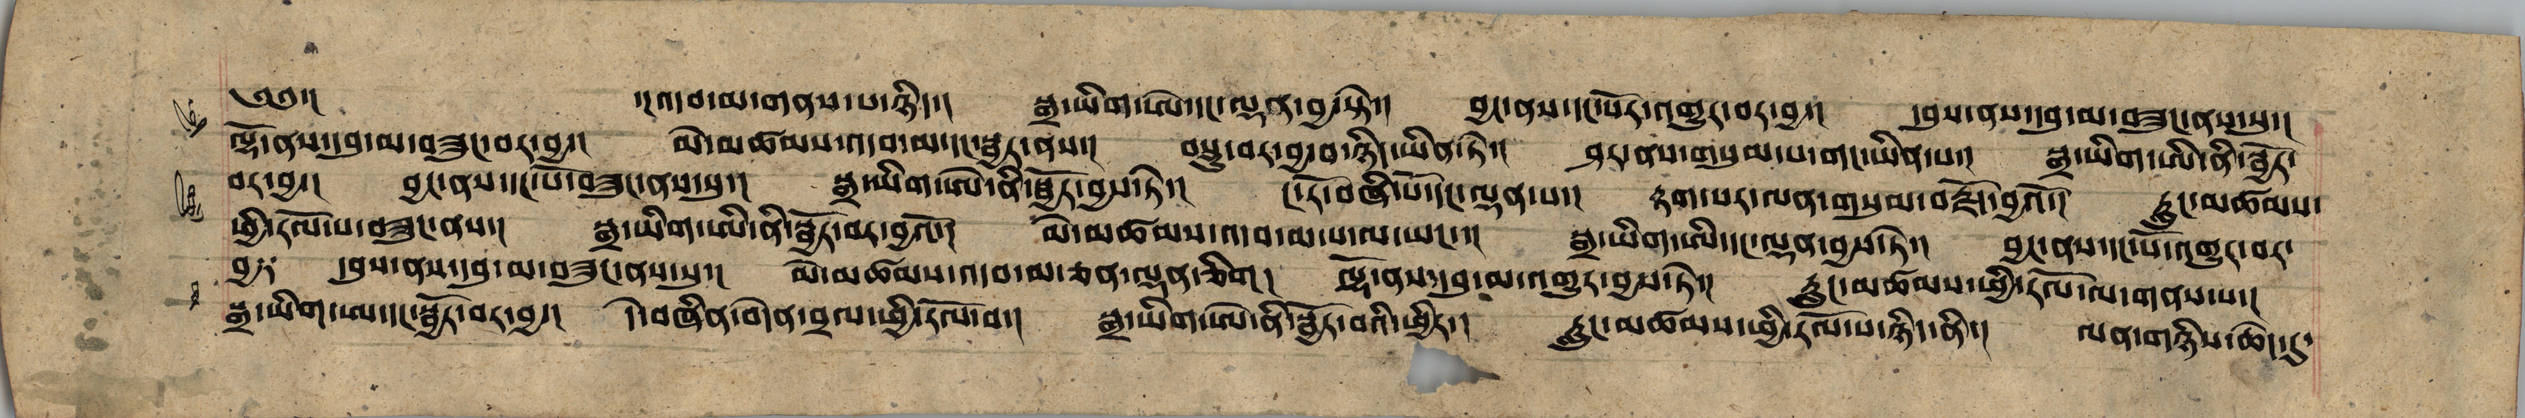༄༅་། ་།འདབ་མ་གནས་པ་ཉིད་། སྒྲ་ཡིག་ཨེ་དང་ལྡན་བྱ་སྟེ་། བྱང་ནས་དང་པོར་འགྱུར་བར་བྱ་། དབུས་ནས་དབུ་མ་བཟུང་ནས་སུ་།
ལྷོ་ནས་དབུ་མ་བཟུང་བར་བྱ་། མེ་མཚམས་འདབ་མ་དང་སྦྱར་ནས་། བསྡུ་བར་བྱ་བ་ཉིད་ཡིན་ཏེ་། ཤར་ནས་གསུམ་པ་གང་ཡིན་པ་། སྒྲ་ཡིག་ཨི་ནི་སྦྱོར་
བར་བྱ་། བྱང་ནས་དང་པོ་བཟུང་ནས་སུ་། སྒྲ་ཡིག་ཨེ་ནི་སྦྱོར་བྱས་ཏེ་། ང་རོ་བཞི་པོ་དང་ལྡན་པ་། རྟག་པར་ལན་གསུམ་བརྗོད་བྱའོ་། རླུང་མཚམས་
ཕྱི་རོལ་ས་བཟུང་ནས་། སྒྲ་ཡིག་ཨི་ནི་སྦྱོར་བར་བྱའོ་། མེ་མཚམས་འདབ་མ་ས་ལ་ཡང་་། སྒྲ་ཡིག་ཨི་དང་ལྡན་བྱས་ཏེ་། བྱང་ནས་དང་པོ་འགྱུར་བར་
བྱ༑ དབུས་ནས་དབུ་མ་བཟུང་ནས་སུ་། མེ་མཚམས་འདབ་མ་ཅན་ལྷན་ཅིག། ལྷོ་ནས་དབུ་མ་འགྱུར་བྱས་ཏེ་། རླུང་མཚམས་ཕྱི་རོལ་ལ་གནས་པ་།
སྒྲ་ཡིག་ཨ་དང་སྦྱོར་བར་བྱ་། དེ་བཞིན་བདེན་བྲལ་ཕྱི་རོལ་བ་། སྒྲ་ཡིག་ཨེ་ནི་སྦྱོར་བའི་ཕྱིར་། རླུང་མཚམས་ཕྱི་རོལ་པ་ཉིད་ནི་། ལན་གཉིས་ཆེད་དུ་